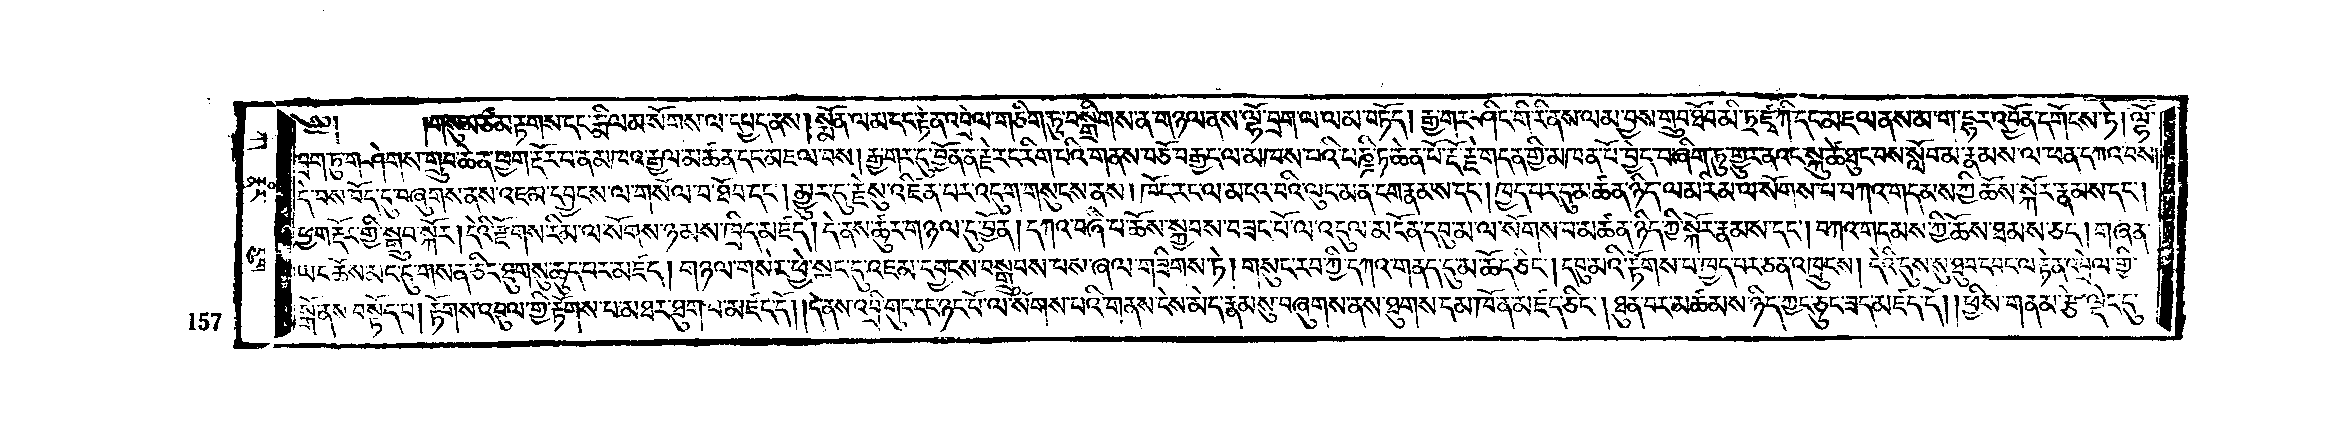༄༅། །གསུམ་ཙམ་རྟགས་དང་རྨི་ལམ་སོགས་ལ་དཔྱད་ནས། སྨོན་ལམ་དང་རྟེན་འབྲེལ་གཅིག་ཏུ་བསྒྲིགས་ན་གཉལ་ནས་ལྷོ་བྲག་ལ་ལམ་བཏོད། རྒྱ་གར་ཤིང་གི་རི་ནས་ལམ་བྱས་གྲུབ་ཐོབ་མི་ཏྲ་ཛྭ་ཀི་དང་མཇལ་ནས་མ་ག་དྷར་འབྱོན་དགོངས་ཏེ། ལྷོ་
བྲག་ཏུ་གཤེགས་གྲུབ་ཆེན་ཕྱག་རྡོར་པ་ནམ་མཁའ་རྒྱལ་མཚན་དང་མཇལ་བས། རྒྱ་གར་དུ་བྱོན་ན་རྗེ་རང་རིག་པའི་གནས་བཅོ་བརྒྱད་ལ་མཁས་པའི་པཎྜི་ཏ་ཆེན་པོ་རྡོ་རྗེ་གདན་གྱི་མཁན་པོ་བྱེད་བ་ཞིག་ཏུ་གྱུར་ནའང་སྐུ་ཚེ་ཐུང་བས་སློབ་མ་རྣམས་ལ་ཕན་དཀའ་བས།
དེ་བས་བོད་དུ་བཞུགས་ནས་འཇམ་དབྱངས་ལ་གསོལ་བ་ཐོབ་དང་། མྱུར་དུ་རྗེས་སུ་འཛིན་པར་འདུག་གསུངས་ནས། ཁོང་རང་ལ་མངའ་བའི་ལུང་མན་ངག་རྣམས་དང་། ཁྱད་པར་དུ་མཚན་ཉིད་ལམ་རིམ་ལ་སོགས་པ་བཀའ་གདམས་ཀྱི་ཆོས་སྐོར་རྣམས་དང་།
ཕྱག་རྡོར་གྱི་སྒྲུབ་སྐོར། དེའི་རྫོགས་རིམ་ལ་སོགས་ཉམས་ཁྲིད་མཛད། དེ་ནས་ཚུར་གཉལ་དུ་བྱོན། དཀའ་བཞི་པ་ཆོས་སྐྱབས་བཟང་པོ་ལ་འདུལ་མངོན་དབུ་མ་ལ་སོགས་པ་མཚན་ཉིད་ཀྱི་སྐོར་རྣམས་དང་། བཀའ་གདམས་ཀྱི་ཆོས་ཐམས་ཅད། གཞན་
ཡང་ཆོས་མང་དུ་གསན་ཅིང་ཐུགས་སུ་ཆུད་པར་མཛད། གཉལ་གསེར་ཕྱེ་སྐད་དུ་འཇམ་དབྱངས་བསྒྲུབས་པས་ཞལ་གཟིགས་ཏེ། གསུང་རབ་ཀྱི་དཀའ་གནད་དུ་མ་ཆོད་ཅིང་། དབུ་མའི་རྟོགས་པ་ཁྱད་པར་ཅན་འཁྲུངས། དེའི་དུས་སུ་ཐུབ་དབང་ལ་རྟེན་འབྲེལ་གྱི་
སྒོ་ནས་བསྟོད་པ། རྟོགས་འབུལ་གྱི་རྟོགས་པ་མཐར་ཐུག་པ་མཛད་དོ། །དེ་ནས་འབྲི་གུང་དང་ཉང་པོ་ལ་སོགས་པའི་གནས་ངེས་མེད་རྣམས་སུ་བཞུགས་ནས་ཐུགས་དམ་ཁོ་ན་མཛད་ཅིང་། ཐུན་པར་མཚམས་ཉིད་ཀྱང་ཅུང་ཟད་མཛད་དོ། །ཕྱིས་གནམ་རྩེ་ལྡེང་དུ་